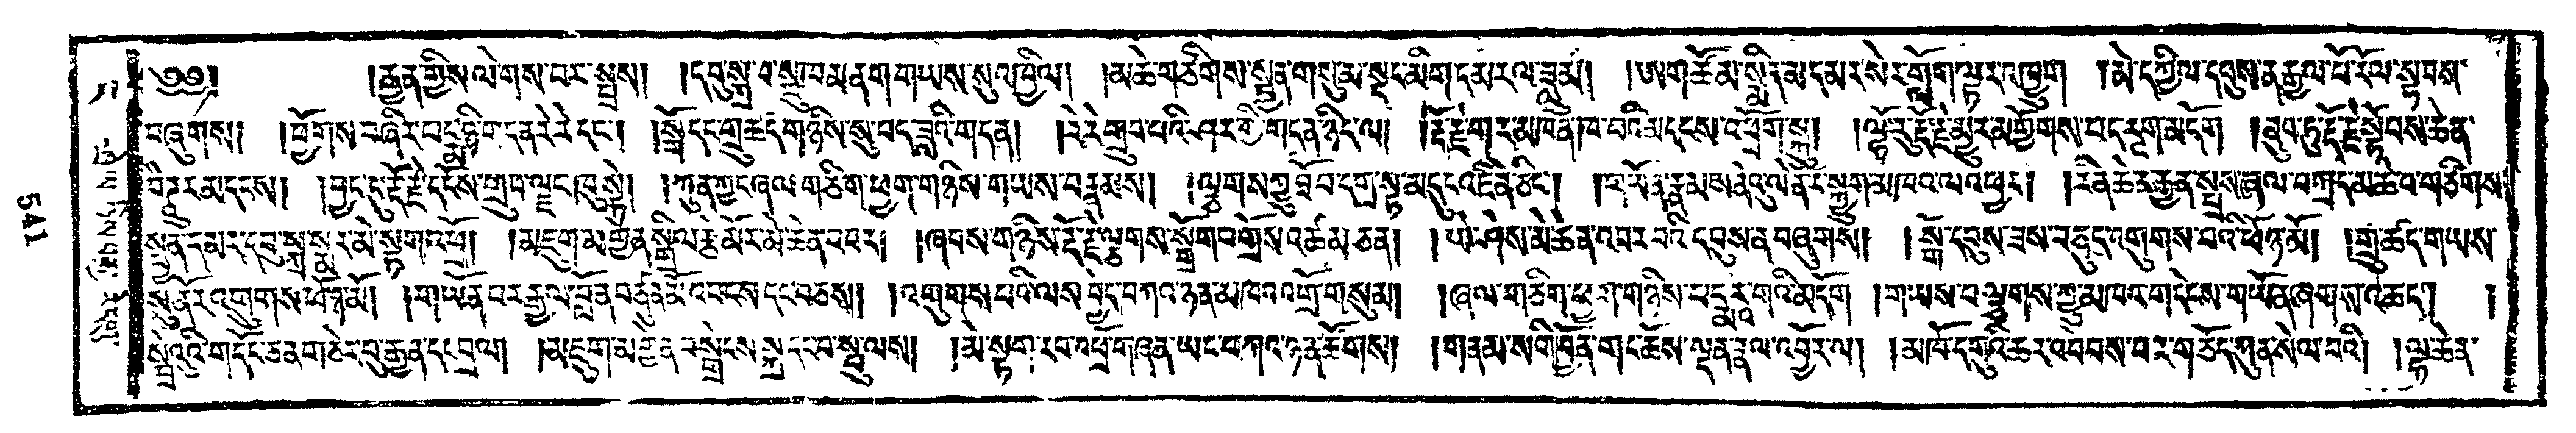༄༅། །རྒྱན་གྱིས་ལེགས་བར་སྤྲས། །དབུ་སྐྲ་བ་སྦུ་ཁམ་ནག་གཡས་སུ་འཁྱིལ། །མཆེ་གཙིགས་སྤྱན་གསུམ་སྡང་མིག་དམར་ལ་ཟླུམ། །ཨག་ཚོམ་སྨིན་མདྨར་སེར་གློག་ལྟར་འཁྱུག །མེ་དཀྱིལ་དབུས་ན་རྒྱལ་པོ་རོལ་སྟབས་
བཞུགས། །ཕྱོགས་བཞིར་པདམ་ཉི་གདན་རེ་རེ་དང་། །སྒོ་དང་གྲུ་ཚད་གཉིས་སུ་པད་ཟླའི་གདན། །རེ་རེ་གྲུབ་པའི་ཤར་གྱི་གདན་ཉིད་ལ། །རྡོ་རྗེ་གར་མཁན་ཁ་བའི་མདངས་འཕྲོག་སྐུ། །ལྷོ་རུ་རྡོ་རྗེ་མྱུར་མགྱོགས་བད་རཱག་མདོག །ནུབ་ཏུ་རྡོ་རྗེ་སྟོབས་ཆེན་
བཻཌཱུར་མདངས། །བྱང་དུ་རྡོ་རྗེ་དངོས་གྲུབ་ལྗང་ཁུ་སྟེ། །ཀུན་ཀྱང་ཞལ་གཅིག་ཕྱག་གཉིས་གཡས་པ་རྣམས། །ལྕགས་ཀྱུ་ཐོ་བ་དགྲ་སྟ་མདུང་འཛིན་ཅིང་། །གཡོན་རྣམས་ནེའུ་ལེ་ནོར་སྐྱུག་མཁའ་ལ་འཕྱར། །རིན་ཆེན་རྒྱན་སྤྲས་ཞལ་བཀྲད་མཆེ་བ་གཙིགས་
སྤྱན་དམར་དབུ་སྐྲ་སྨ་ར་མེ་སྟག་འཕྲོ། །མཇུག་མ་གྱེན་སྒྲིལ་རྩེ་མོར་མེ་ཆེན་འབར། །ཞབས་གཉིས་རྡོ་རྗེ་ལྕགས་སྒྲོག་བགྲོས་འཚམ་ཅན། །ཡེ་ཤེས་མེ་ཆེན་འབར་བའི་དབུས་ན་བཞུགས། །སྒོ་དབུས་ཟས་བཅུད་འགུགས་པའི་ཕོ་ཉ་མོ། །གྲུ་ཚད་གཡས་
སུ་ནོར་འགུགས་ཕོ་ཉ་མོ། །གཡོན་བར་རྒྱལ་བློན་བཙུན་མོ་འབངས་དང་བཅས། །འགུགས་པའི་ལས་བྱེད་བཀའ་ཉན་མཁའ་འགྲོ་གསུམ། །ཞལ་གཅིག་ཕྱག་གཉིས་པདམ་རཱ་གའི་མདོག །གཡས་པ་ལྕགས་ཀྱུ་མཁའ་གདེངས་གཡོན་ཞགས་འཆད། །
སྤྲེའུའི་གདོང་ཅན་གཅེར་བུ་རྒྱན་དང་བྲལ། །མཇུག་མ་གྱེན་བསྒྲེངས་སྐྲ་དང་བ་སྤུ་ལས། །མེ་སྟག་རབ་འཕྲོ་གཞན་ཡང་བཀའ་ཉན་ཚོགས། །གནམ་སའི་ཁྱོན་གང་ཆོས་ལྡན་རྣལ་འབྱོར་ལ། །མཁོ་དགུའི་ཆར་འབེབས་བར་གཅོད་ཀུན་སེལ་བའི། །ལྷ་ཆེན་